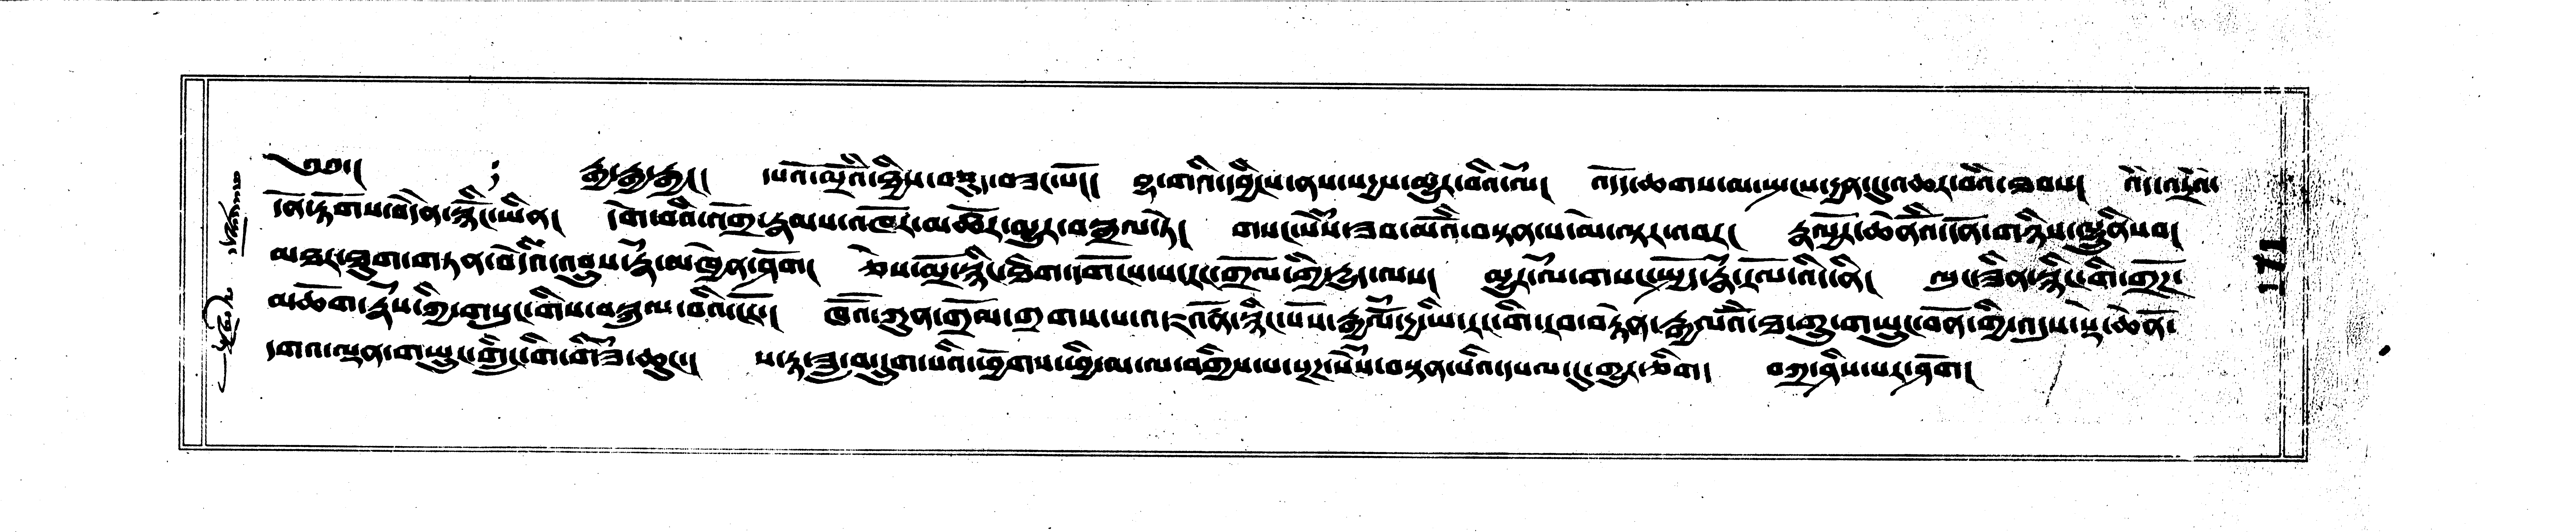རྒྱ་རྒྱ་རྒྱ། དཔའ་བོ་མཁའ་འགྲོའི་ཐུགས་ཀྱི་བཅུད་བཟང་པོ། །བྷ་གའི་དབྱིངས་ནས་སངས་རྒྱས་མྱུར་བའི་ལམ། །འདོད་ཆགས་མ་སྤངས་རྒྱན་དུ་འཆར་བའི་ཐབས། །འདི་འདྲའི་
དོན་རྟོགས་བདེ་ཆེན་སྙིང་པོ་ཡིན། །དགེ་བས་འགྲོ་རྣམས་འཁོར་མཚོིར་མྱུར་བསྒྲལ་ཏེ། །གསང་སེམས་ཟབ་མོའི་བསྟན་པ་མེ་ལྟར་འབར། །རྣལ་འབྱོར་ཆེན་པོའི་དོན་གཉིས་ལྷུན་གྱིས་གྲུབ། །
མཐར་ཐུག་གཏན་བདེའི་འབྲས་བུ་རྣམ་མཁྱེན་ཤོག །ཅེས་མཁའ་འགྲོ་སྙིང་ཐིག་དགོངས་པ་རང་གྲོལ་གྱི་རྒྱུད་ལས། མྱུར་ལམ་གསང་སྤྱོད་རྣམ་རོལ་འདི་ནི། ལུང་ཟིན་སྙིང་གི་གྲོགས་
མཆོག་རྣམས་ཀྱི་གསུང་གིས་བསྐུལ་བའི་ངོར། ཁོ་བོ་ཀུན་གྲོལ་གྲགས་པ་འཇའ་ཚོན་སྙིང་པོས་རྒྱལ་མོ་རྒྱ་ཡི་རོང་གི་རབ་བརྟན་རྒྱལ་པོའི་ཐ་གྲུ་གཡུང་དྲུང་བོན་གྱི་འདུས་སྡེ་ཆེན་པོ་
དགའ་ལྡན་གཡུང་དྲུང་གླིང་གི་གཟིམས་ཆུང་། ས་རྟ་ཟླ་བ་དྲུག་པའི་ཕྱོགས་ཀྱི་ཕྱི་མ་ལ་བགྱིས་པ་སྔགས་སེམས་བསྟན་པའི་དཔལ་དུ་གྱུར་ཅིག །བཀྲ་ཤིས་པར་ཤོག། །།